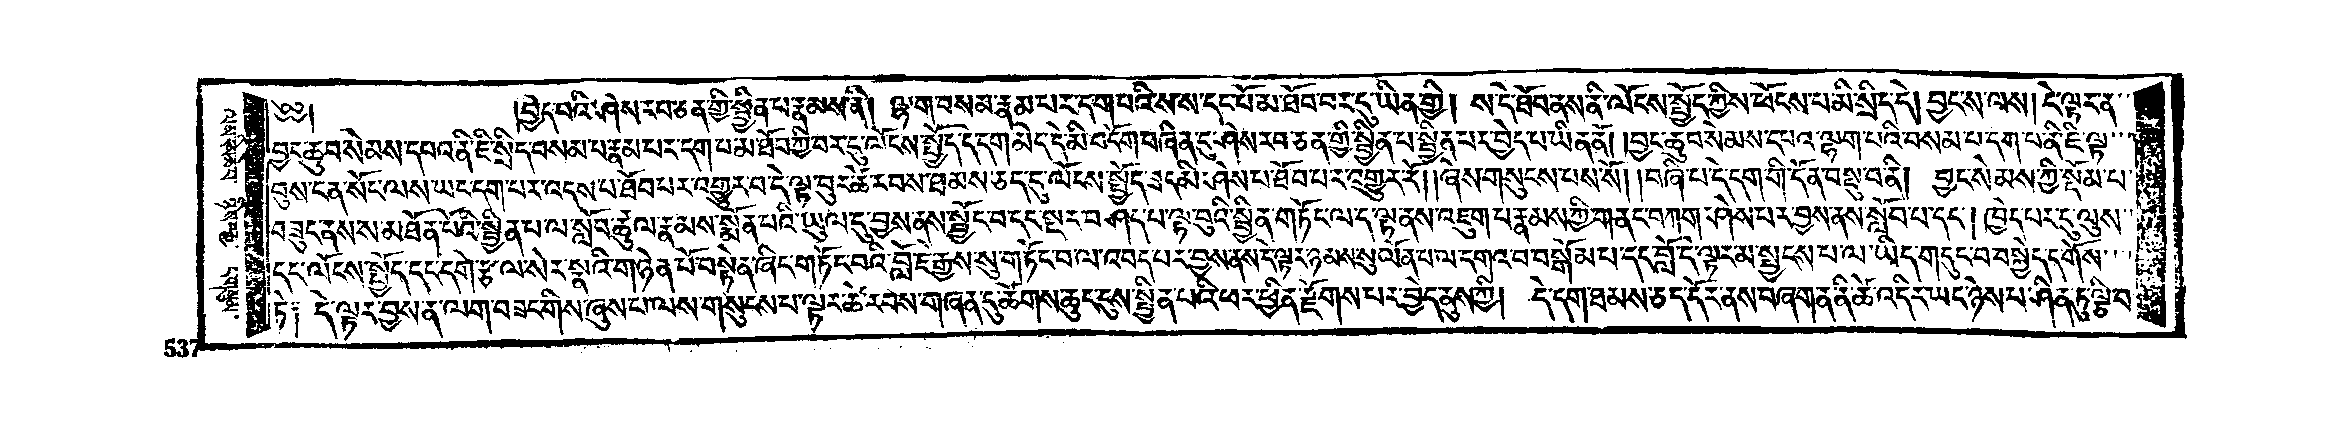༄༅། །བྱེད་པའི་ཤེས་རབ་ཅན་གྱི་སྦྱིན་པ་རྣམས་ནི། ལྷག་བསམ་རྣམ་པར་དག་པའི་ས་ས་དང་པོ་མཐོབ་བར་དུ་ཡིན་གྱི། ས་དེ་ཐོབ་ནས་ནི་ལོངས་སྤྱོད་ཀྱིས་ཕོངས་པ་མི་སྲིད་དེ། བྱང་ས་ལས། དེ་ལྟར་ན་
བྱང་ཆུབ་སེམས་དཔའ་ནི་ཇི་སྲིད་བསམ་པ་རྣམ་པར་དག་པ་མ་ཐོབ་ཀྱི་བར་དུ་ལོངས་སྤྱོད་དེ་དག་མེད་དེ་མི་བདོག་བཞིན་དུ་ཤེས་རབ་ཅན་གྱི་སྦྱིན་པ་སྦྱིན་པར་བྱེད་པ་ཡིན་ནོ། །བྱང་ཆུབ་སེམས་དཔའ་ལྷག་པའི་བསམ་པ་དག་པ་ནི་ཇི་ལྟ་
བུས་ངན་སོང་ལས་ཡང་དག་པར་འདས་པ་ཐོབ་པར་འགྱུར་བ་དེ་ལྟ་བུར་ཚེ་རབས་ཐམས་ཅད་དུ་ལོངས་སྤྱོད་ཟད་མི་ཤེས་པ་ཐོབ་པར་འགྱུར་རོ། །ཞེས་གསུངས་པས་སོ། །བཞི་པ་དེ་དག་གི་དོན་བསྡུ་བ་ནི། བྱང་སེམས་ཀྱི་སྡོམ་པ་
བཟུང་ནས་ས་མཐོན་པོའི་སྦྱིན་པ་ལ་སློབ་ཚུལ་རྣམས་སྨོན་པའི་ཡུལ་དུ་བྱས་ནས་སྦྱོང་བ་དང་སྔར་བཤད་པ་ལྟ་བུའི་སྦྱིན་གཏོང་ལ་ད་ལྟ་ནས་འཇུག་པ་རྣམས་ཀྱི་གནང་བཀག་ཤེས་པར་བྱས་ནས་སློབ་པ་དང་། ཁྱད་པར་དུ་ལུས་
དང་ལོངས་སྤྱོད་དང་དགེ་རྩ་ལ་སེར་སྣའི་གཉེན་པོ་བསྟེན་ཞིང་གཏོང་བའི་བློ་ཇེ་རྒྱས་སུ་གཏོང་བ་ལ་འབད་པར་བྱས་ནས་དེ་ལྟར་ཉམས་སུ་ལོན་པ་ལ་དགའ་བ་བསྒོམ་པ་དང་བློ་དེ་ལྟར་མ་སྦྱངས་པ་ལ་ཡིད་གདུང་བ་བསྐྱེད་དགོས་
ཏེ༑ དེ་ལྟར་བྱས་ན་ལག་བཟང་གིས་ཞུས་པ་ལས་གསུངས་པ་ལྟར་ཆེ་རབས་གཞན་དུ་ཚེགས་ཆུང་ངུས་སྦྱིན་པའི་ཕར་ཕྱིན་རྫོགས་པར་བྱེད་ནུས་ཀྱི། དེ་དག་ཐམས་ཅད་དོར་ནས་བཞག་ན་ནི་ཚེ་འདིར་ཡང་ཉེས་པ་ཤིན་ཏུ་ལྕི་བ་